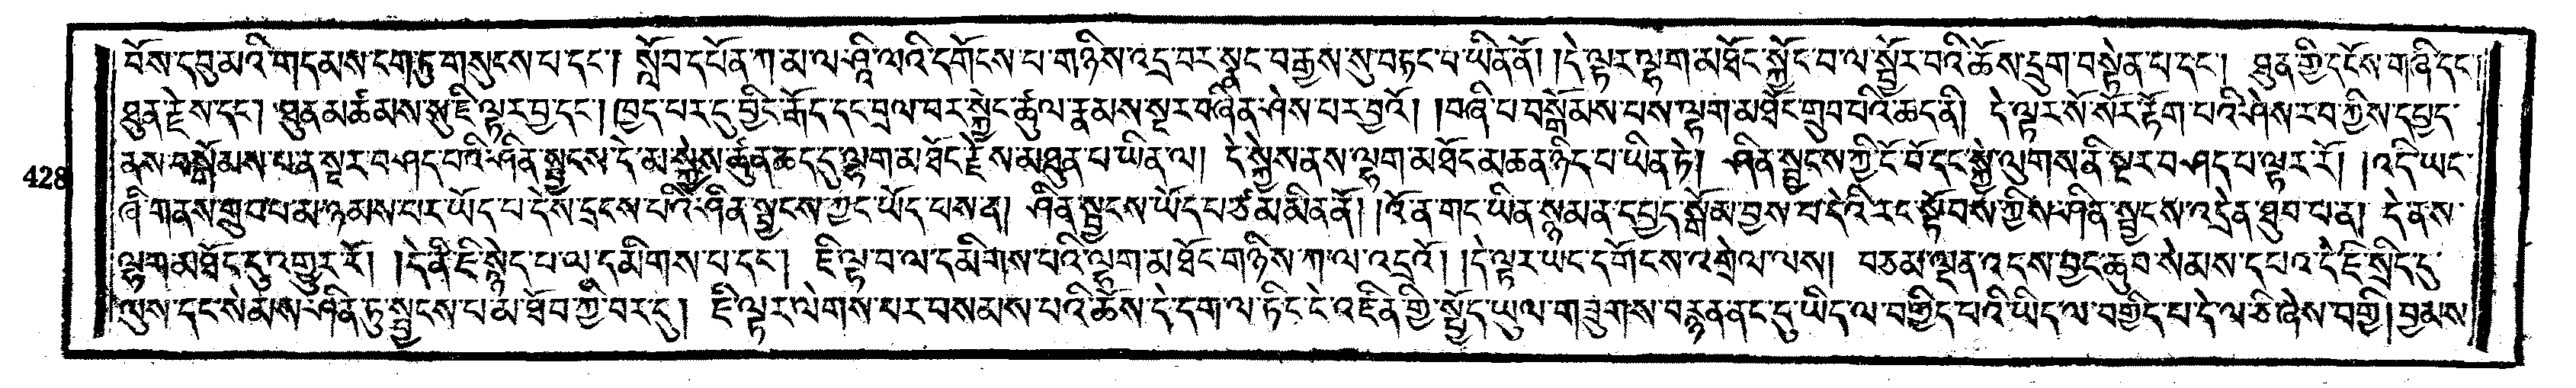བོས་དབུ་མའི་གདམས་ངག་ཏུ་གསུངས་པ་དང་། སློབ་དཔོན་ཀ་མ་ལ་ཤཱི་ལའི་དགོངས་པ་གཉིས་འདྲ་བར་སྣང་བརྒྱས་སུ་བཏང་བ་ཡིན་ནོ། །དེ་ལྟར་ལྷག་མཐོང་སྐྱོང་བ་ལ་སྦྱོར་བའི་ཆོས་དྲུག་བསྟེན་པ་དང་། ཐུན་གྱི་དངོས་གཞི་དང་།
ཐུན་རྗེས་དང་། ཐུན་མཚམས་སུ་ཇི་ལྟར་བྱ་དང་། ཁྱད་པར་དུ་བྱིང་རྒོད་དང་བྲལ་བར་སྐྱེང་ཚུལ་རྣམས་སྔར་བཞིན་ཤེས་པར་བྱའོ། །བཞི་པ་བསྒོམས་པས་ལྷག་མཐོང་གྲུབ་པའི་ཆད་ནི། དེ་ལྟར་སོ་སོར་རྟོག་པའི་ཤེས་རབ་ཀྱིས་དཔྱད་
ནས་བསྒོམས་པ་ན་སྔར་བཤད་པའི་ཤིན་སྦྱངས་དེ་མ་སྐྱེས་ཚུན་ཆད་དུ་ལྷག་མཐོང་རྗེས་མཐུན་པ་ཡིན་ལ། དེ་སྐྱེས་ནས་ལྷག་མཐོང་མཆན་ཉིད་པ་ཡིན་ཏེ། ཤིན་སྦྱངས་ཀྱི་ངོ་བོ་དང་སྐྱེ་ལུགས་ནི་སྔར་བཤད་པ་ལྟར་རོ། །འདི་ཡང་
ཞི་གནས་གྲུབ་པ་མ་ཉམས་པར་ཡོད་པ་དེས་དྲངས་པའི་ཤིན་སྦྱངས་ཀྱང་ཡོད་པས་ན། ཤིན་སྦྱངས་ཡོད་པ་ཙམ་མིན་ནོ། །འོ་ན་གང་ཡིན་སྙམ་ན་དཔྱད་སྒོམ་བྱས་བ་དེའི་རང་སྟོབས་ཀྱིས་ཤིན་སྦྱངས་འདྲེན་ཐུབ་པ་ན། དེ་ནས་
ལྷག་མཐོང་དུ་འགྱུར་རོ། །དེ་ནི་ཇི་སྙེད་པ་ལ་དམིགས་པ་དང་། ཇི་ལྟ་བ་ལ་དམིགས་པའི་ལྷག་མཐོང་གཉིས་ཀ་ལ་འདྲའོ། །དེ་ལྟར་ཡང་དགོངས་འགྲེལ་ལས། བཅམ་ལྡན་འདས་བྱང་ཆུབ་སེམས་དཔའ་དེ་ཇི་སྲིད་དུ་
ལུས་དང་སེམས་ཤིན་ཏུ་སྦྱངས་པ་མ་ཐོབ་ཀྱི་བར་དུ། ཇི་ལྟར་ལེགས་པར་བསམས་པའི་ཆོས་དེ་དག་ལ་ཏིང་ངེ་འཛིན་གྱི་སྤྱོད་ཡུལ་གཟུགས་བརྙན་ནང་དུ་ཡིད་ལ་བགྱིད་པའི་ཡིད་ལ་ཅི་ཞེས་བགྱི། བྱམས་